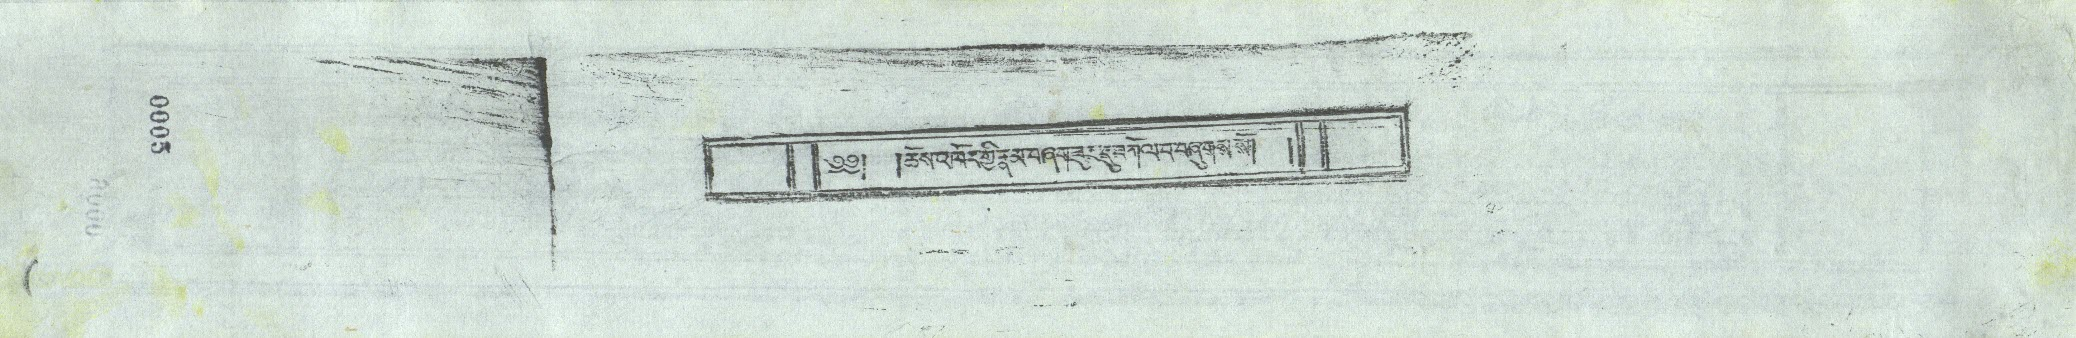༄༅། །ཆོས་འཁོར་གྱི་རྣམ་བཞག་ཟུར་དུ་བཀོལ་བ་བཞུགས་སོ། །